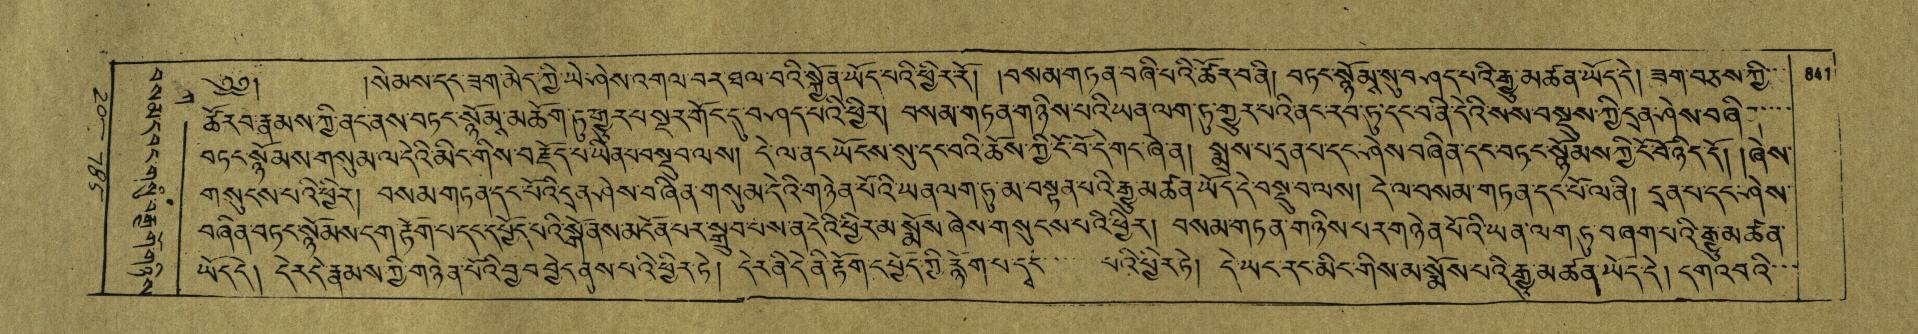༄༅། །སེམས་དང་ཟག་མེད་ཀྱི་ཡེ་ཤེས་འགལ་བར་ཐལ་བའི་སྐྱོན་ཡོད་པའི་ཕྱིར་རོ། །བསམ་གཏན་བཞི་པའི་ཚོར་བ་ནི། བཏང་སྙོམས་སུ་བཤད་པའི་རྒྱུ་མཚན་ཡོད་དེ། ཟག་བཅས་ཀྱི་
ཚོར་བ་རྣམས་ཀྱི་ནང་ནས་བཏང་སྙོམས་མཆོག་ཏུ་གྱུར་པ་སྔར་གོང་དུ་བཤད་པའི་ཕྱིར། བསམ་གཏན་གཉིས་པའི་ཡན་ལག་ཏུ་གྱུར་པའི་ནང་རབ་ཏུ་དང་བ་ནི་དེའི་སས་བསྡུས་ཀྱི་དྲན་ཤེས་བཞིན་
བཏང་སྙོམས་གསུམ་ལ་དེའི་མིང་གིས་བརྗོད་པ་ཡིན་པ་བསྡུ་བ་ལས། དེ་ལ་ནང་ཡོངས་སུ་དང་བའི་ཆོས་ཀྱི་ངོ་བོ་དེ་གང་ཞེ་ན། སྨྲས་པ་དྲན་པ་དང་ཤེས་བཞིན་དང་བཏང་སྙོམས་ཀྱི་ངོ་བོ་ཉིད་དོ། །ཞེས་
གསུངས་པའི་ཕྱིར། བསམ་གཏན་དང་པོའི་དྲན་ཤེས་བཞིན་གསུམ་དེའི་གཉེན་པོའི་ཡན་ལག་ཏུ་མ་བསྟན་པའི་རྒྱུ་མཚན་ཡོད་དེ་བསྡུ་བ་ལས། དེ་ལ་བསམ་གཏན་དང་པོ་ལ་ནི། དྲན་པ་དང་ཤེས་
བཞིན་བཏང་སྙོམས་དག་རྟོག་པ་དང་དཔྱོད་པའི་སྒོ་ནས་མངོན་པར་སྒྲུབ་པས་ན་དེའི་ཕྱིར་མ་སྨོས་ཞེས་གསུངས་པའི་ཕྱིར། བསམ་གཏན་གཉིས་པར་གཉེན་པོའི་ཡན་ལག་ཏུ་བཞག་པའི་རྒྱུ་མཚན་
ཡོད་དེ། དེར་དེ་རྣམས་ཀྱི་གཉེན་པོའི་བྱ་བ་བྱེད་ནུས་པའི་ཕྱིར་ཏེ། དེར་ནི་དེ་ནི་རྟོག་དཔྱོད་ཀྱི་རྙོག་པ་དྭང་པའི་ཕྱིར་ཏེ། དེ་ཡང་རང་མིང་གིས་མ་སྨོས་པའི་རྒྱུ་མཚན་ཡོད་དེ། དགའ་བའི་